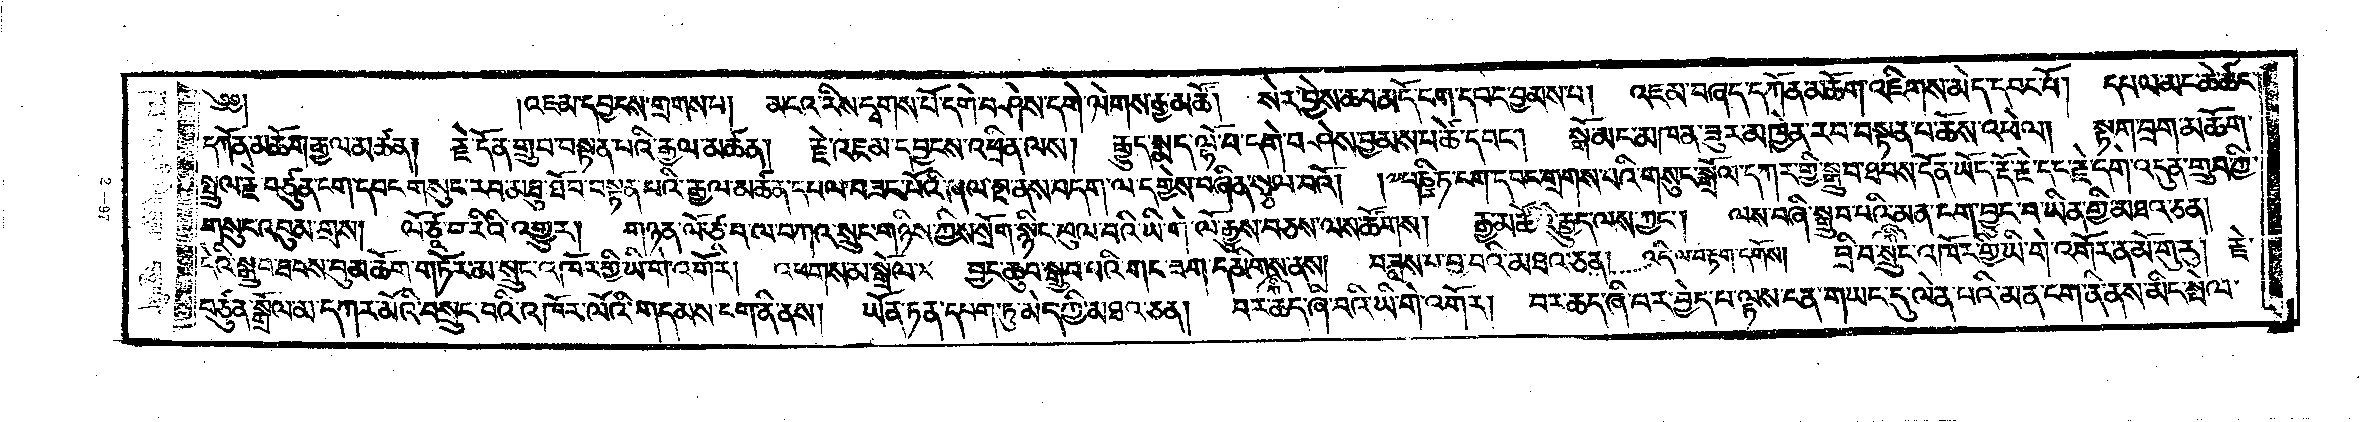༄༅། །འཇམ་དབྱངས་གྲགས་པ། མངའ་རིས་དྭགས་པོ་དགེ་བཤེས་དགེ་ལེགས་རྒྱ་མཚོ། སེར་བྱེས་ཆབ་མདོ་ངག་དབང་བྱམས་པ། འཇམ་བཞད་དཀོན་མཆོག་འཇིགས་མེད་དབང་པོ། དཔལ་མང་ཆེ་ཚང་
དཀོན་མཆོག་རྒྱལ་མཚན། རྗེ་དོན་གྲུབ་བསྟན་པའི་རྒྱལ་མཚན། རྗེ་འཇམ་དབྱངས་འཕྲིན་ལས། རྒྱུད་སྨད་ལྷོ་བ་དགེ་བཤེས་བྱམས་པ་ཚེ་དབང་། སྒོ་མང་མཁན་ཟུར་མཁྱེན་རབ་བསྟན་པ་ཆོས་འཕེལ། སྟག་བྲག་མཆོག་
སྤྲུལ་རྗེ་བཙུན་ངག་དབང་གསུང་རབ་མཐུ་ཐོབ་བསྟན་པའི་རྒྱལ་མཚན་དཔལ་བཟང་པོའི་ཞལ་སྔ་ནས་བདག་ལ་དགྱེས་བཞིན་སྩལ་བའོ། །༧པཎྜི་ཏ་ངག་དབང་གྲགས་པའི་གསུང་སྒྲོལ་དཀར་གྱི་སྒྲུབ་ཐབས་དོན་ཡོད་རྡོ་རྗེ་དང་རྗེ་དགེ་འདུན་གྲུབ་ཀྱི་
གསུང་འབུམ་གྲས། ལོ་ཙཱ་བ་རིའི་འགྱུར། གཉན་ལོ་ཙཱ་བ་ལ་བཀའ་སྲུང་གཉིས་ཀྱིས་སྲོག་སྙིང་ཕུལ་བའི་ཡི་གེ་ལོ་རྒྱུས་བཅས་ལས་ཚོགས། རྒྱ་མཚོའི་རྒྱུད་ལས་ཀྱང་། ལས་བཞི་སྒྲུབ་པའི་མན་ངག་བྱུང་བ་ཡིན་གྱི་མཐའ་ཅན།
དེའི་སྒྲུབ་ཐབས་བུམ་ཆོག་གཏོར་མ་སྲུང་འཁོར་གྱི་ཡི་གེ་འགོ་རི། འཕགས་མ་སྒྲོལ་མ་བྱང་ཆུབ་སྒྲུབ་པའི་གང་ཟག་དམིགས་ནས། བཟླས་པ་བྱ་བའི་མཐའ་འདི་ལ་བརྟག་དགོས།  ཅན། བྲི་བ་སྲུང་འཁོར་གྱི་ཡི་གེ་འགོར་ན་མོ་གུ་རུ།
བཙུན་སྒྲོལ་མ་དཀར་མོའི་བསྲུང་བའི་འཁོར་ལོའི་གདམས་ངག་ནི་ནས། ཡོན་ཏན་དཔག་ཏུ་མེད་ཀྱི་མཐའ་ཅན། བར་ཆད་ཞི་བའི་ཡི་གེ་འགོར། བར་ཆད་ཞི་བར་བྱེད་པ་ལྟས་ངན་གཡང་དུ་ལེན་པའི་མན་ངག་ནི་ནས་མིང་སྤེལ་